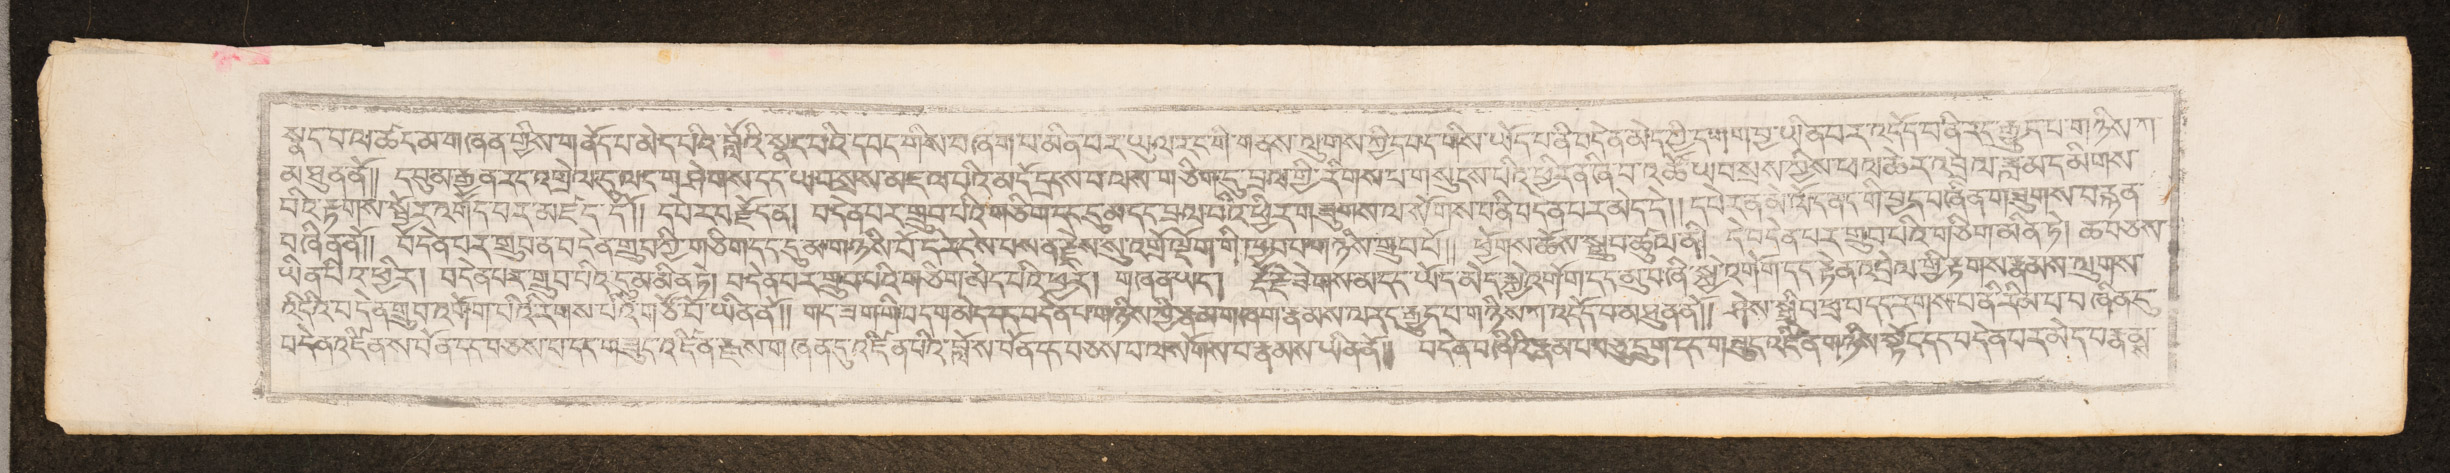སྣང་བ་ལ་ཚད་མ་གཞན་གྱིས་གནོད་པ་མེད་པའི་བློའི་སྣང་བའི་དབང་གིས་བཞག་པ་མིན་པར་ཡུལ་རང་གི་གནས་ལུགས་ཀྱི་དབང་གིས་ཡོད་པ་ནི་བདེན་མེད་ཀྱི་དགག་བྱ་ཡིན་པར་འདོད་པ་ནི་རང་རྒྱུད་པ་གཉིས་ཀ་
མཐུན་ནོ།། དབུ་མ་རྒྱུན་རང་འགྲེལ་དུ་ལང་གཤེགས་དང་ཡབ་སྲས་མཇལ་བའི་མདོ་དྲངས་པ་ལས་གཅིག་དུ་བྲལ་གྱི་རིགས་པ་གསུངས་པའི་ཕྱིར་ན་ཞི་བ་འཚོ་ཡབ་སྲས་ཀྱིས་ཕལ་ཆེར་འབྲེལ་ཟླ་མ་དམིགས་
པའི་རྟགས་སྦྱོར་འགོད་པར་མཛད་དོ། །དཔེར་བརྗོད་ན། བདེན་པར་གྲུབ་པའི་གཅིག་དང་དུ་མ་དང་བྲལ་བའི་ཕྱིར་གཟུགས་ལ་སོགས་པ་ནི་བདེན་པར་མེད་དེ།། དཔེར་ན་མེ་ལོང་ནད་གི་བྱད་བཞིན་གཟུགས་བརྙན་
བཞིན་ནོ། །བདེན་པར་གྲུབ་ན་བདེན་གྲུབ་ཀྱི་གཅིག་དང་དུ་མ་གཉིས་པོ་དེར་ངེས་པས་ན་རྗེས་སུ་འགྲོ་ལྡོག་གི་ཁྱབ་པ་གཉིས་གྲུབ་པོ། །ཕྱོགས་ཆོས་སྒྲུབ་ཚུལ་ནི། དེ་བདེན་པར་གྲུབ་པའི་གཅིག་མིན་ཏེ། ཆབ་ཅས་
ཡིན་པའི་ཕྱིར། བདེན་པར་གྲུབ་པའི་དུ་མ་མིན་ཏེ། བདེན་པར་གྲུབ་པའི་གཅིག་མེད་པའི་ཕྱིར། གཞན་ཡང་། རྡོ་རྗེ་ཟེགས་མ་དང་ཡོད་མེད་སྐྱེ་འགོག་དང་མུ་བཞི་སྐྱེ་འགོག་དང་རྟེན་འབྲེལ་གྱི་རྟགས་རྣམས་ལུགས་
འདིའི་བདེན་གྲུབ་འགོག་པའི་རིགས་པའི་གཙོ་བོ་ཡིན་ནོ། །གང་ཟག་གི་བདག་མེད་དད་བདེན་པ་གཉིས་ཀྱི་རྣམ་གཞག་རྣམས་ལ་རང་རྒྱུད་པ་གཉིས་ཀ་འདོད་པ་མཐུན་ནོ། །ཤེས་སྒྲིབ་ཕྲ་བ་དང་རགས་པ་ནི་རིམ་པ་བཞིན་དུ་
བདེན་འཛིན་ས་བོན་དང་བཅས་པ་དང་གཟུང་འཛིན་རྫས་གཞན་དུ་འཛིན་པའི་བློ་ས་བོན་དང་བཅས་པ་ལ་སོགས་པ་རྣམས་ཡིན་ནོ། །བདེན་བཞིའི་རྣམ་པ་བཅུ་དྲུག་དང་གཟུང་འཛིན་གཉིས་སྟོང་དང་བདེན་པར་མེད་པ་རྣམས་